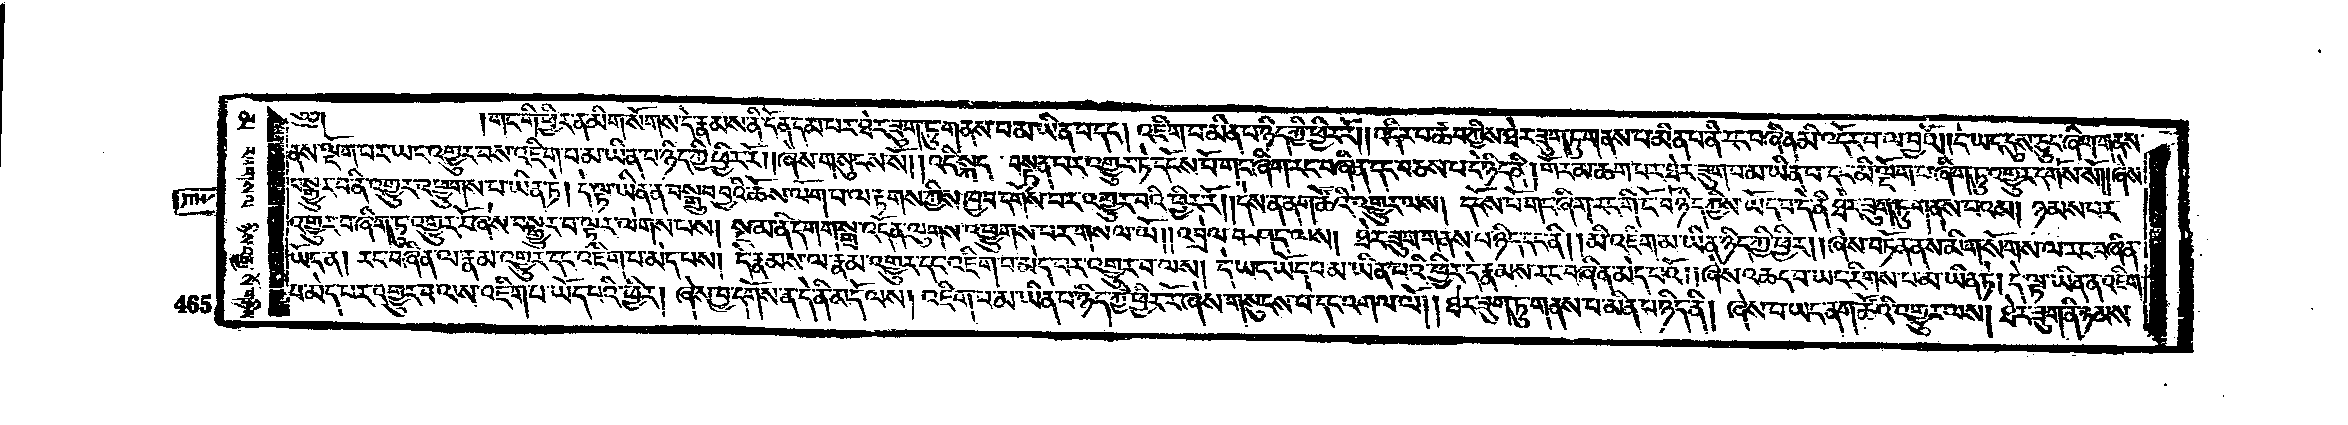༄༅། །གང་གི་ཕྱིར་ན་མིག་སོགས་དེ་རྣམས་ནི་དོན་དམ་པར་ཐེར་ཟུག་ཏུ་གནས་པ་མ་ཡིན་པ་དང་། འཇིག་པ་མིན་པ་ཉིད་ཀྱི་ཕྱིར་རོ། །འདིར་པ་ཚབ་ཀྱིས་ཐེར་ཟུག་ཏུ་གནས་པ་མིན་པ་ནི་རང་བཞིན་མི་འདོར་པ་ལ་བྱའོ། །དེ་ཡང་དུས་ཅུང་ཞིག་གནས་
ནས་ལྡོག་བར་ཡང་འགྱུར་བས་འཇིག་པ་མ་ཡིན་པ་ཉིད་ཀྱི་ཕྱིར་རོ། །ཞེས་གསུངས་སོ། །འདི་སྐད་བསྟན་པར་འགྱུར་ཏེ་དངོས་པོ་གང་ཞིག་རང་བཞིན་དང་བཅས་པ་དེ་ཉིད་ནི། གོར་མ་ཆག་པར་ཐེར་ཟུག་པ་མ་ཡིན་པ་དང་མི་ལྡོག་པ་ཞག་ཏུ་འགྱུར་དགོས་སོ། །ཞེས་
བསྒྱུར་བ་ནི་འགྱུར་འཕྱུགས་པ་ཡིན་ཏེ། དེ་ལྟ་ཡིན་ན་བསྒྲུབ་བྱའི་ཆོས་ལོག་པ་ལ་རྟགས་ཀྱིས་ཁྱབ་དགོས་པར་འགྱུར་བའི་ཕྱིར་རོ། །དེས་ན་ནག་ཚོའི་འགྱུར་ལས། དངོས་པོ་གང་ཞིག་རང་གི་ངོ་བོ་ཉིད་ཀྱིས་ཡོད་པ་དེ་ནི་ཐེར་ཟུག་ཏུ་གནས་པའམ། ཉམས་པར་
འགྱུར་བ་ཞིག་ཏུ་འགྱུར་རོ་ཞེས་བསྒྱུར་བ་ལྟར་ལེགས་པས། སྔ་མ་ནི་དགག་སྒྲ་འདོན་ལུགས་འཕྱུགས་པར་གསལ་ལོ། །འགྲེལ་བཤད་ལས། ཐེར་ཟུག་གནས་པ་ཉིད་དང་ནི། །མི་འཇིག་མ་ཡིན་ཉིད་ཀྱི་ཕྱིར། །ཞེས་བཏོན་ནས་མིག་སོགས་ལ་རང་བཞིན་
ཡོད་ན། རང་བཞིན་ལ་རྣམ་འགྱུར་དང་འཇིག་པ་མེད་པས། དེ་རྣམས་ལ་རྣམ་འགྱུར་དང་འཇིག་པ་མེད་པར་འགྱུར་བ་ལས། དེ་ཡང་ཡོད་པ་མ་ཡིན་པའི་ཕྱིར་དེ་རྣམས་རང་བཞིན་མེད་པའོ། །ཞེས་འཆད་པ་ཡང་རིགས་པ་མ་ཡིན་ཏེ། དེ་ལྟ་ཡིན་ན་འཇིག་
པ་མེད་པར་འགྱུར་བ་ལས་འཇིག་པ་ཡོད་པའི་ཕྱིར། ཞེས་བྱ་དགོས་ན་དེ་ནི་མདོ་ལས། འཇིག་པ་མ་ཡིན་པ་ཉིད་ཀྱི་ཕྱིར་རོ་ཞེས་གསུངས་པ་དང་འགལ་ལོ། །ཐེར་ཟུག་ཏུ་གནས་པ་མིན་པ་ཉིད་ནི། ཞེས་པ་ཡང་ནག་ཚོའི་འགྱུར་ལས། ཐེར་ཟུག་ནི་ཉམས་